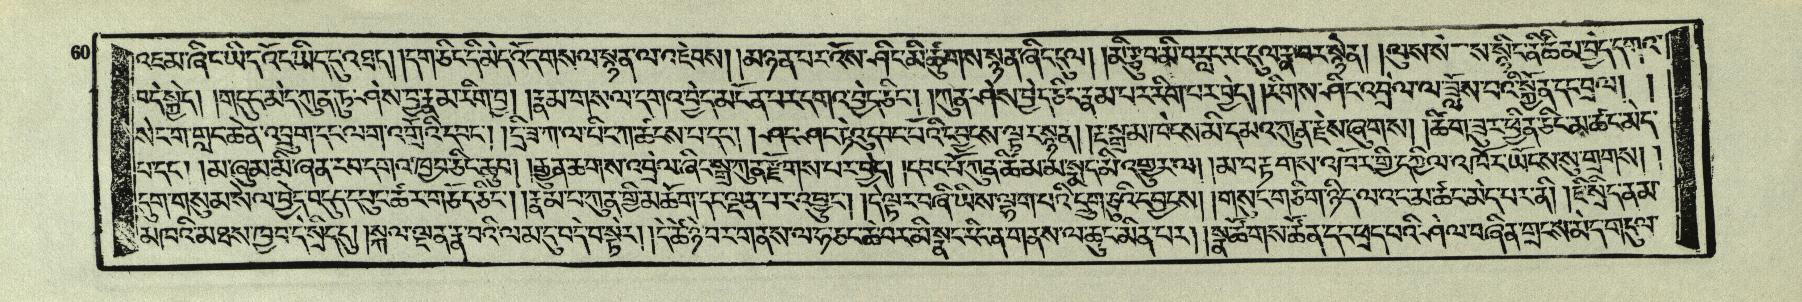འཇམ་ཞིང་ཡིད་འོང་ཡིད་དུ་འཐད། །དག་ཅིང་དི་མེད་འོད་གསལ་སྙན་ལ་འཇེབས། །མཉན་པར་འོས་ཤིང་མི་ཚུགས་སྙན་ཞིང་དུལ། །མི་རྩུབ་མི་བརླང་རང་དུལ་རྣ་བར་སྙེན། །ལུས་སེམས་སྙིང་ནི་ཚིམ་བྱེད་དགའ་
བདེ་སྐྱེད། །གདུང་མེད་ཀུན་ཏུ་ཤེས་བྱ་རྣམ་རིག་བྱ། །རྣམ་གསལ་དགའ་བྱེད་མངོན་པར་དགའ་བྱེད་ཅིང་། །ཀུ་ཤེས་ཅིང་རྣམ་པར་བྱེད། །རིགས་ཤིང་འབྲེལ་ལ་ཟློས་པའི་སྐྱོན་དང་བྲལ། །
སེང་གེ་གླང་ཆེན་འབྲུག་དང་ལག་འགྲོའི་དབང་། །དྲི་ཟ་ཀ་ལ་པིང་ཀ་ཚངས་པ་དང་། །ཤང་ཤང་ཏེའུ་དབང་པོའི་དབྱངས་ལྟར་སྙན། །རྔ་སྒྲ་མ་ཁེངས་མི་དམའ་ཀུན་རྗེས་ཞུགས། །ཚིག་ཟུར་ཕྱིན་ཅིང་མ་ཚང་མེད་
པ་དང་། །མ་ཞུམ་མི་ཞན་རབ་དགའ་ཁྱབ་ཅིང་ཆུབ། །རྒྱུན་ཆགས་འབྲེལ་ཞིང་སྒྲ་ཀུན་རྫོགས་པར་བྱེད། །དབང་པོ་ཀུན་ཚིམ་མ་སྨད་མི་འགྱུར་ལ། །མ་བརྟགས་འཁོར་གྱི་དཀྱིལ་འཁོར་ཡོངས་སུ་གྲགས། །
དུག་གསུམ་སེལ་བྱེད་བདུད་དཔུང་ཚར་གཅོད་ཅིང་། །རྣམ་པ་ཀུན་གྱི་མཆོག་དང་ལྡན་པར་འབྱུང་། །དེ་ལྟར་བཞི་ཡིས་ལྷག་པའི་དྲུག་ཅུའི་དབྱངས། །གསུང་གཅིག་ཉིད་ལའང་མ་ཚང་མེད་པར་ནི། །ཇི་སྲིད་ནམ་
མཁའི་མཐས་ཁྱབ་དེ་སྲིད་དུ། །སྐལ་ལྡན་རྣ་བའི་ལམ་དུ་བདེ་བ་སྟེར། །དེ་ཚེ་ཉེ་བར་གནས་ལ་ཧ་ཅང་ཆེ་བར་མི་སྣང་རིང་ན་གནས་ལ་ཆུང་མིན་པར། །སྣ་ཚོགས་ཚོན་དང་ཕྲད་པའི་ཤེལ་བཞིན་གྲངས་མེད་གདུལ་